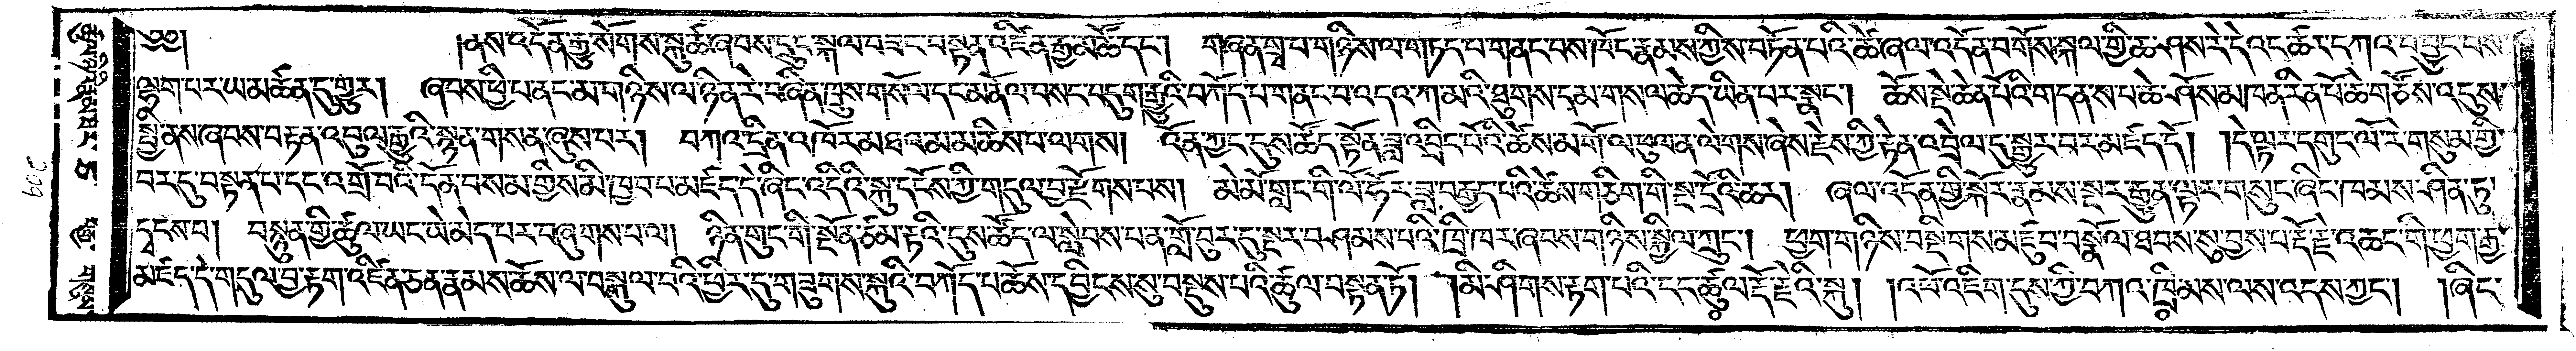༄༅། །ནས་འདོན་རྒྱུ་སོགས་སྐུ་ཚ་ཞབས་དྲུང་སྐལ་བཟང་བསྟན་འཛིན་རྒྱ་མཚོ་དང་། གཞན་གྲྭ་པ་གཉིས་ལ་གཏད་བ་གནང་བས་ཁོང་རྣམས་ཀྱིས་བཏོན་པའི་ཚེ་ཞལ་འདོན་བགོས་སྐལ་གྱི་ཆ་ཤས་རེ་དེའང་ཚར་དཀའ་བ་བྱུང་བས་
ལྷག་པར་ཡ་མཚན་དུ་གྱུར། ཞབས་ཕྱི་པ་ནང་མ་གཉིས་ལ་ཉིན་རེ་བཞིན་ཁྲུས་གསོལ་དང་མནོལ་བསང་བདུག་རྒྱུའི་བཀོད་པ་གནང་བ་འདའ་ཀ་མའི་ཐུགས་དམ་གསལ་ཆེད་ཡིན་པར་སྣང་། ཆོས་སྡེ་ཆེན་པོའི་གདན་ས་པ་ཆེ་ཤོས་མཁན་རིན་པོ་ཆེ་གཙོས་འདུས་
སྤྱི་ནས་ཞབས་བརྟན་འབུལ་རྒྱུའི་སྙན་གསན་ཞུས་པར། བཀའ་དྲིན་འཁོར་མཐའ་མ་མཆིས་བ་ལགས། འོན་ཀྱང་དུས་ཚོད་སྟོན་ཟླ་འབྲིང་པོའི་ཚེས་མགོ་ལ་ཕུལ་ན་ལེགས་ཞེས་རྗེས་ཀྱི་རྟེན་འབྲེལ་དུ་སྒྱུར་བར་མཛད་དོ། །དེ་ལྟར་དགུང་ལོ་རེ་གསུམ་གྱི་
བར་དུ་བསྟན་པ་དང་འགྲོ་བའི་དོན་བསམ་གྱིས་མི་ཁྱབ་པ་མཛད་དེ་ཞིང་འདིའི་སྐུ་དངོས་ཀྱི་གདུལ་བྱ་རྫོགས་པས། མེ་མོ་གླང་གི་ལོ་ཧོར་ཟླ་བརྒྱད་པའི་ཚེས་གཅིག་གི་སྔ་དྲོའི་ཆར། ཞལ་འདོན་གྱི་སྐོར་རྣམས་སྔར་རྒྱུན་ལྟར་གསུང་ཞིང་ཁམས་ཤིན་ཏུ་
དྭངས་པ། བསྙུན་གྱི་ཚུལ་ཡང་ཡེ་མེད་པར་བཞུགས་པ་ལ། ཉིན་གུང་གི་སྔོན་ཙམ་རྟའི་དུས་ཚོད་ལ་སླེབས་པ་ན་གློ་བུར་དུ་སྔར་བཤམས་པའི་ཁྲི་ཁར་ཞབས་གཉིས་སྐྱིལ་ཀྲུང་། ཕྱག་གཉིས་བསྡིགས་མཛུབ་བསྣོལ་ཐབས་སུ་བྱས་པ་རྡོ་རྗེ་འཆང་གི་ཕྱག་རྒྱ་
མཛད་དེ་གདུལ་བྱ་རྟག་འཛིན་ཅན་རྣམས་ཚེས་ལ་བསྐུལ་བའི་ཕྱིར་དུ་གཟུགས་སྐུའི་བཀོད་པ་ཆོས་དབྱིངས་སུ་བསྡུས་པའི་ཚུལ་བསྟན་ཏོ། །མི་ཤིགས་རྟག་པའི་ངང་ཚུལ་རྡོ་རྗེའི་སྐུ། །འཕོ་འཇིག་དུས་ཀྱི་བཀའ་ཁྲིམས་ལས་འདས་ཀྱང་། །ཞིང་